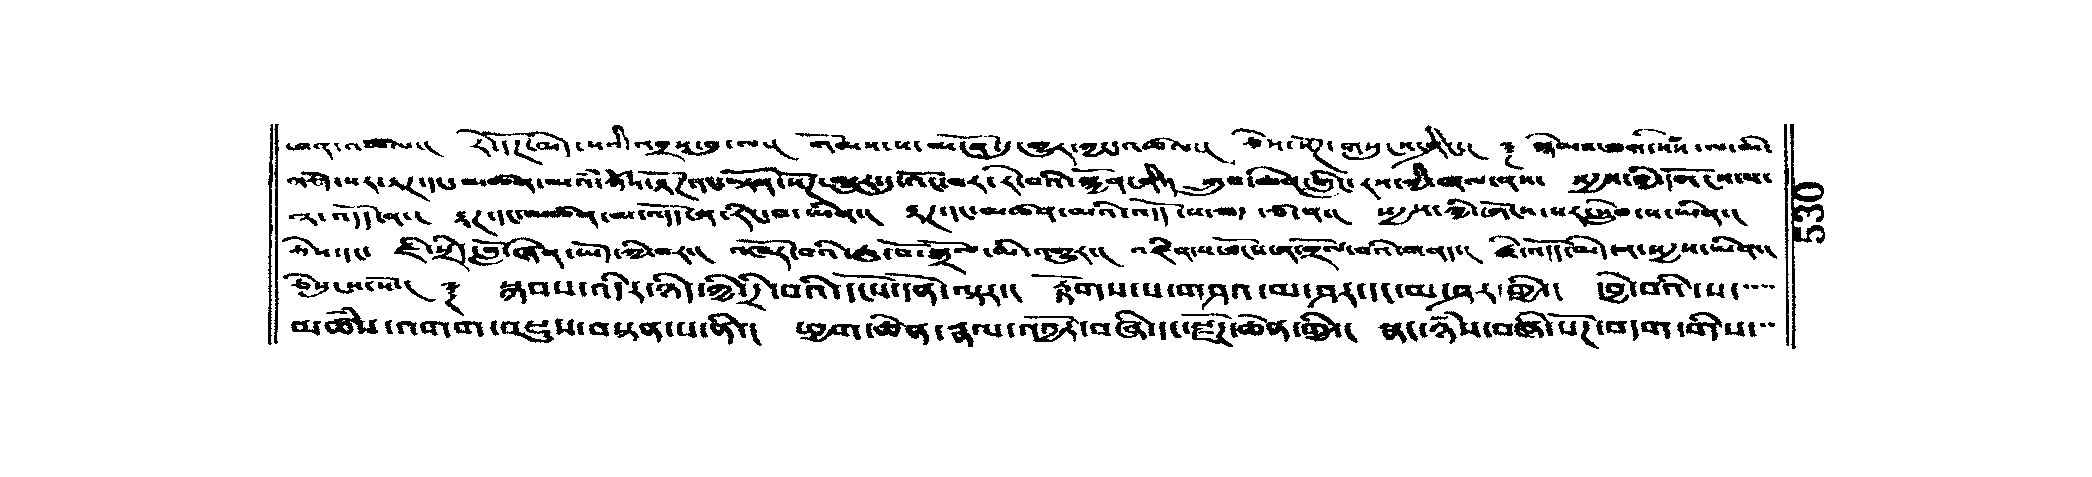ཕན་འཚལ། །རེ་དོགས་མེད་པའི་འབྲས་བུ་ལ། །གོམས་པ་མངོན་དུ་གྱུར་ཀྱང་འཚལ། ཅེས་སོགས་གསུངས་ཤིང་། སྙེམས་ཐག་སེམས་ལ་མི་
གཅོད་པར་རྟགས་དང་མཚན་མའམ་རྟོགས་དང་ཡོན་ཏན་སོགས་མྱུར་དུ་འོང་བར་རེ་བའི་སྐྱོན་ནི། གྲུབ་ཆེན་གླིང་རས་ཀྱི་ཞལ་ནས། སངས་རྒྱས་ཀྱི་དགོངས་པ་
ལྟ་འདོད་ན། །རྟགས་དང་མཚན་མ་འདོད་ན་རིང་བ་ཡིན། །རྟགས་དང་མཚན་མའི་འདོད་པ་ཟད་ཙ་ན། །སངས་རྒྱས་ཀྱི་དགོངས་པར་སླེབས་པ་ཡིན། 
ཅེས་དང་། ཇི་སྲིད་བློ་ཞེན་ཡོད་བར། །འཁོར་བའི་ཆུ་བོ་སྒྲོལ་མི་འགྱུར། །འཛིན་པ་ཐོངས་ན་གྲོལ་བའི་གནད། །ཞེ་འདོད་མེད་ན་སངས་རྒྱས་ཡིན། 
ཅེས་གསུངས་སོ། ༈ སྐབས་འདིར་ཉིད་ཀྱི་དྲི་བའི་དངོས་དོན་ལྟར། །རྟོགས་པ་གཤའ་མ་ཤར་དང་མ་ཤར་གྱིས། །དབྱེ་བའི་ས་
མཚམས་འགག་བསྡུས་བསྟན་པ་ནི། །ཕྱག་ཆེན་རྣལ་འབྱོར་བཞི་དང་རྫོགས་ཆེན་གྱི། །སྣང་ཉམས་བཞི་སོགས་བདག་གིས་